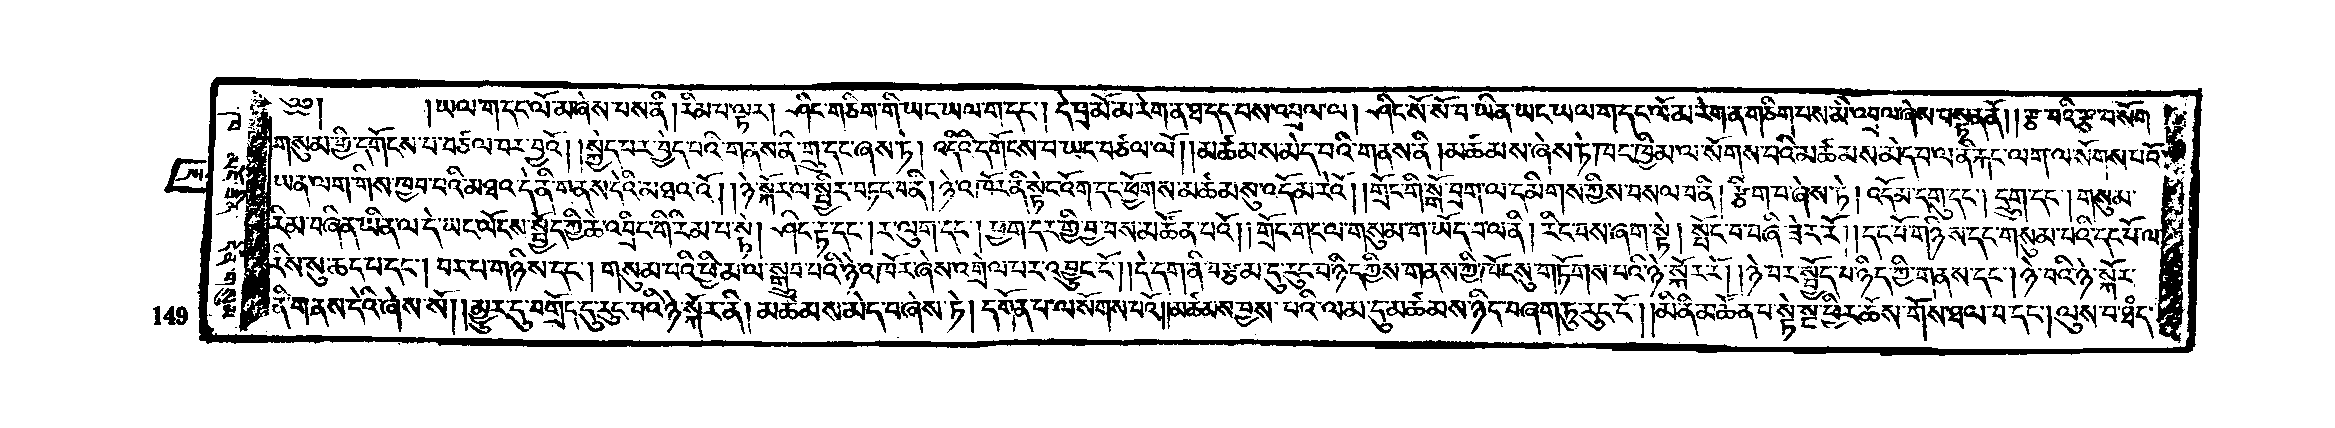༄༅། །ཡལ་ག་དང་ལོ་མ་ཞེས་པས་ནི། རིམ་པ་ལྟར། ཤིང་གཅིག་གི་ཡང་ཡལ་ག་དང་། དེ་ཕྲ་མོ་མ་རེག་ན་ཐ་དད་པས་འབྲལ་ལ། ཤིང་སོ་སོ་བ་ཡིན་ཡང་ཡལ་ག་དང་ལོ་མ་རེག་ན་གཅིག་པས་མི་འབྲལ་ཞེས་བསྟན་ནོ། །རྩ་བའི་རྩ་བ་སོགས་
གསུམ་གྱི་དགོངས་པ་བཙལ་བར་བྱའོ། །སྐྱེད་པར་བྱེད་པའི་གནས་ནི་གྲུ་དང་ཞས་ཏེ། འདིའི་དགོངས་པ་ཡང་བཙལ་ལོ། །མཚམས་མེད་པའི་གནས་ནི། མཚམས་ཞེས་ཏེ་ཁང་ཁྱིམ་ལ་སོགས་པའི་མཚམས་མེད་པ་ལ་ནི་རྐང་ལག་ལ་སོགས་པའི་
ཡན་ལག་གིས་ཁྱབ་པའི་མཐའ་དེ་ནི་གནས་དེའི་མཐའ་འོ། །ཉེ་སྐོར་ལ་སྤྱིར་བཏང་བ་ནི། ཉེ་འཁོར་ནི་སྟེང་འོག་དང་ཕྱོགས་མཚམས་སུ་འདོམ་རེའོ། །གྲོང་གི་སྒོ་བྲག་ལ་དམིགས་ཀྱིས་བསལ་བ་ནི། རྩིག་པ་ཞེས་ཏེ། འདོམ་དགུ་དང་། དྲུག་དང་། གསུམ་
རིམ་བཞིན་ཡིན་ལ་དེ་ཡང་ལོངས་སྤྱོད་ཀྱི་ཆེ་འབྲིང་གི་རིམ་པ་སྟེ། ཤིང་རྟ་དང་། ར་ལུག་དང་། ཕྱག་དར་གྱི་བྱ་བས་མཚོན་པའོ། །གྲོང་གང་ལ་གསུམ་ག་ཡོད་པ་ལ་ནི། རིང་བས་ཞག་སྟེ། སྤོང་བ་བཞི་ཟེར་རོ། །དང་པོ་གཉིས་དང་གསུམ་པའི་དང་པོ་ལ་
རིས་སུ་ཆད་པ་དང་། བར་པ་གཉིས་དང་། གསུམ་པའི་ཕྱི་མ་ལ་སྒྲུབ་པའི་ཉེ་འཁོར་ཞེས་འགྲེལ་བར་འབྱུང་ངོ། །དེ་དག་ནི་བརྩམ་དུ་རུང་བ་ཉིད་ཀྱིས་གནས་ཀྱི་ཁོངས་སུ་གཏོགས་པའི་ཉེ་སྐོར་རོ། །ཉེ་བར་སྤྱོད་པ་ཉིད་ཀྱི་གནས་དང་། ཉེ་བའི་ཉེ་སྐོར་
ནི་གནས་དེའི་ཞེས་སོ། །མྱུར་དུ་བགྲོད་དུ་རུང་བའི་ཉེ་སྐོར་ནི། མཚམས་མེད་པ་ཞེས་ཏེ། དགོན་པ་ལ་སོགས་པའོ། །མཚམས་བྱས་པའི་ལམ་དུ་མཚམས་ཉིད་བཞག་ཏུ་རུང་ངོ། །མི་ནི་མཚོན་པ་སྟེ་སྔ་ཕྱིར་ཆོས་གོས་ཐལ་བ་དང་། ལུས་པ་ཐམས་ཅད་